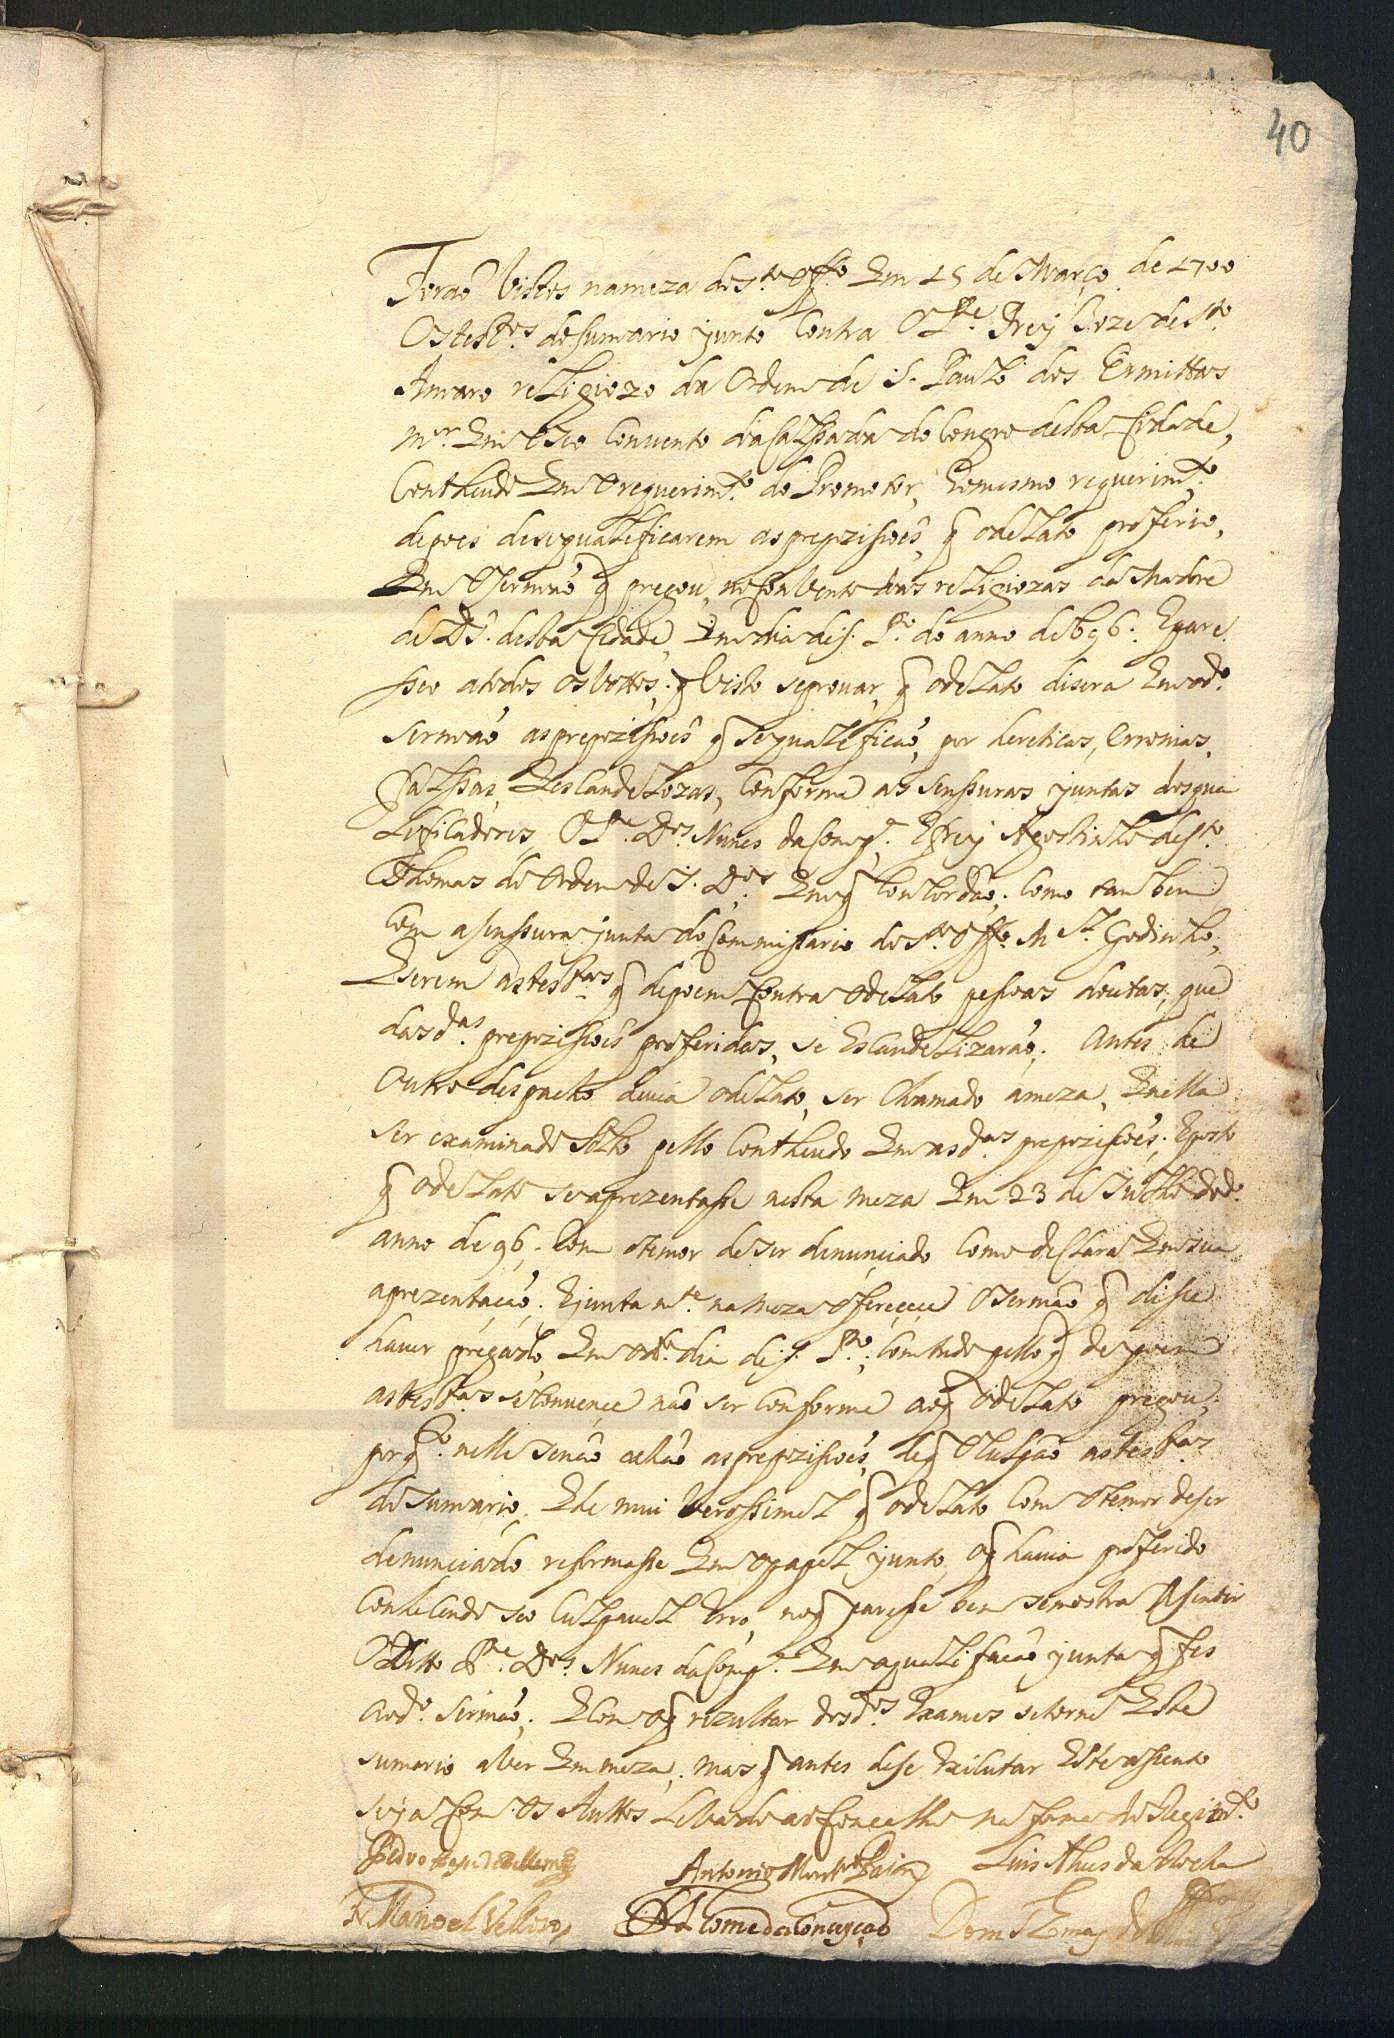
Foraõ Vistos na meza do s.to off.o Em 15 de Março de 1700
Os test.os de sumario junto contra O P.e Frey Ioze de Sto
Amaro religiozo da Ordem de .S. Paulo dos Ermittas
m.or Em o seo Conuento da Calssada do Congro desta Cidade
Contheudo Em O requerim.to do Promotor E o mesmo requerim.to
depoes de se qualeficarem as prepozissoẽs, q̄ o delato proferio
Em O sermaõ q̄ pregou, no Convento das religiozas da Madre
de Ds̄. desta Cidade, e no dia de S. P.o do anno de 696: E pare
sser a todos os vottos: q̄ Visto se prouar q̄ o deLato disera E no d.o
sermaõ as prepozissoẽs q̄ se qualeficaõ, por hereticas, erronias,
falssas, E escandeLozas, conforme as senssuras juntas dos qua
Lificadores, O P.e D.os Nunes da Comp.a e frey Agostinho de s.to
Thomas do Ordem de S. D.os E no q̄ concordaõ. Como tambem
com a senssura junta do Commissario do S.to off.o Mel. Godinho,
E serem as test.as q̄ depoem Contra o delato pessoas doutas, que
das d.as prepozissoẽs proferidas, se EscandeLizarão; antes de
Outro despacho deuia o deLato ser Chamado a meza, E nella
ser examinado solto pello Contheudo Em as d.as prepozissoẽs; E posto
q̄ o delato se aprezentasse nesta meza Em 23 de Iulho do do
anno de 96. com o temor de ser denunciado Como deClara Em sua
aprezentaçaõ. E juntam.te na Meza ofereceu O sermaõ q̄ disse
hauer pregado Em o d.o dia de S. P.o, comtudo pello q̄ depoem
as test.as se Conuence naõ ser Conforme ao q̄ o deLato pregou,
porq.to nelle senão achaõ as prepozissoẽs, de q̄ o Culpaõ as test.as
do sumario, E he mui VerossimeL q̄ o deLato Com o temor de ser
denunciado reformasse Em o papel yunto, o q̄ hauia proferido
conhecendo seo CulpaueL Erro, no q̄ paresse bem se mostra Asentir
O Ditto P.e D.os Nunes da Comp.a Em a qualifaçaõ yunta q̄ fes
ao d.o sermaõ; E Com o q̄ rezultar dos d.os Exames se torne Este
sumario a ver Em meza; mas q̄ antes de se ExiCutar Este assento
se ya fes os Auttos Levando ao Concelho na forma do Regim.to
Pedro Hasse de Bellem
Antonio Montro Paim Luis Alues da Rocha
Fr. Manoel Vellozo
Thome da Conceyçaõ Dom Thomas do M
